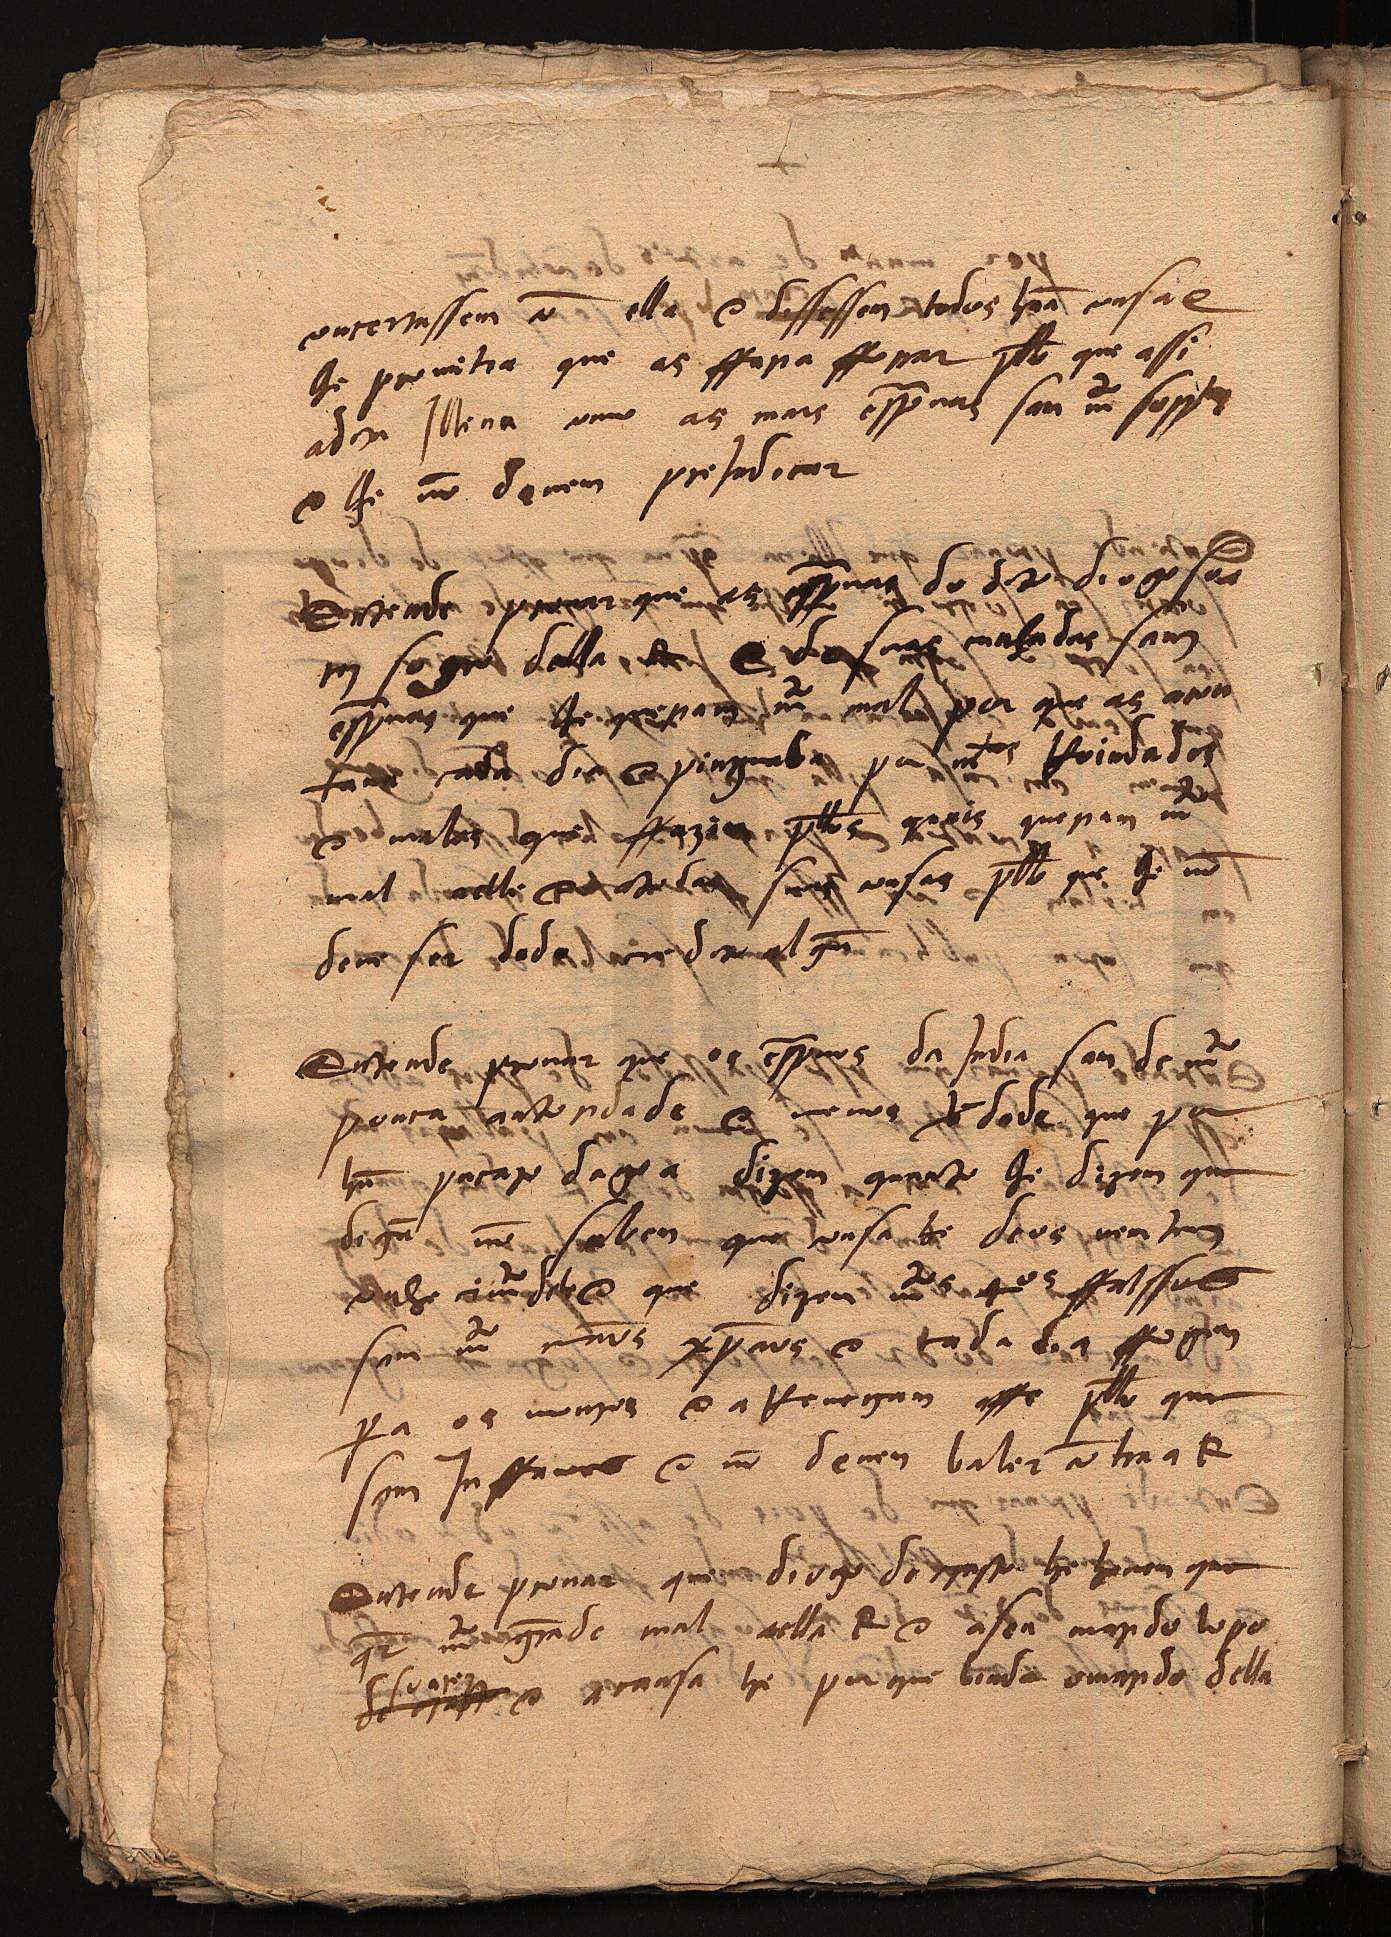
concertassem c̄o ella e dissessem todos hūa cousa e
lhe promeria que as ffaria fforrar p̄llo que assi
a dita Jllena como as mais ēspuas sam mto sosptas
e lhe n̄o deuem preJudicar
Entende prouar que as ēspuas do dito diogo soa
rez sogro della R e de suas cunhadas sam
ēspuas que lhe queriam mto mal por que as acou
taua cada dia e pinguava por mtas Roindades
e malas que ffazia p̄llos quais queriam mto
mal a elle e a todas suas cousas p̄llo que lhe nō
deue ser dado credito algū
Entende prouar que os ēspuos da Jndia sam de mto
pouca autoridade e menos ꝟdade que por
hū pucaro dagoa dizem quanto lhe dizem que
digā nō sabem que cousa he deos nem tem
conhecimto dele e que dizem mtos tos ffalssos
sam mto maos xpãos e cada dia ffogem
ꝑa os mouros e aRenegam a ffe p̄llo que
sam Jnffames e nō deuem valer cõtra a R
Entende prouar que diogo de crasto he homem que
q̄r mto ḡrade mal a ella R e a seu marido lopo
soarez
de crasto e a causa he porque vindo o marido della
